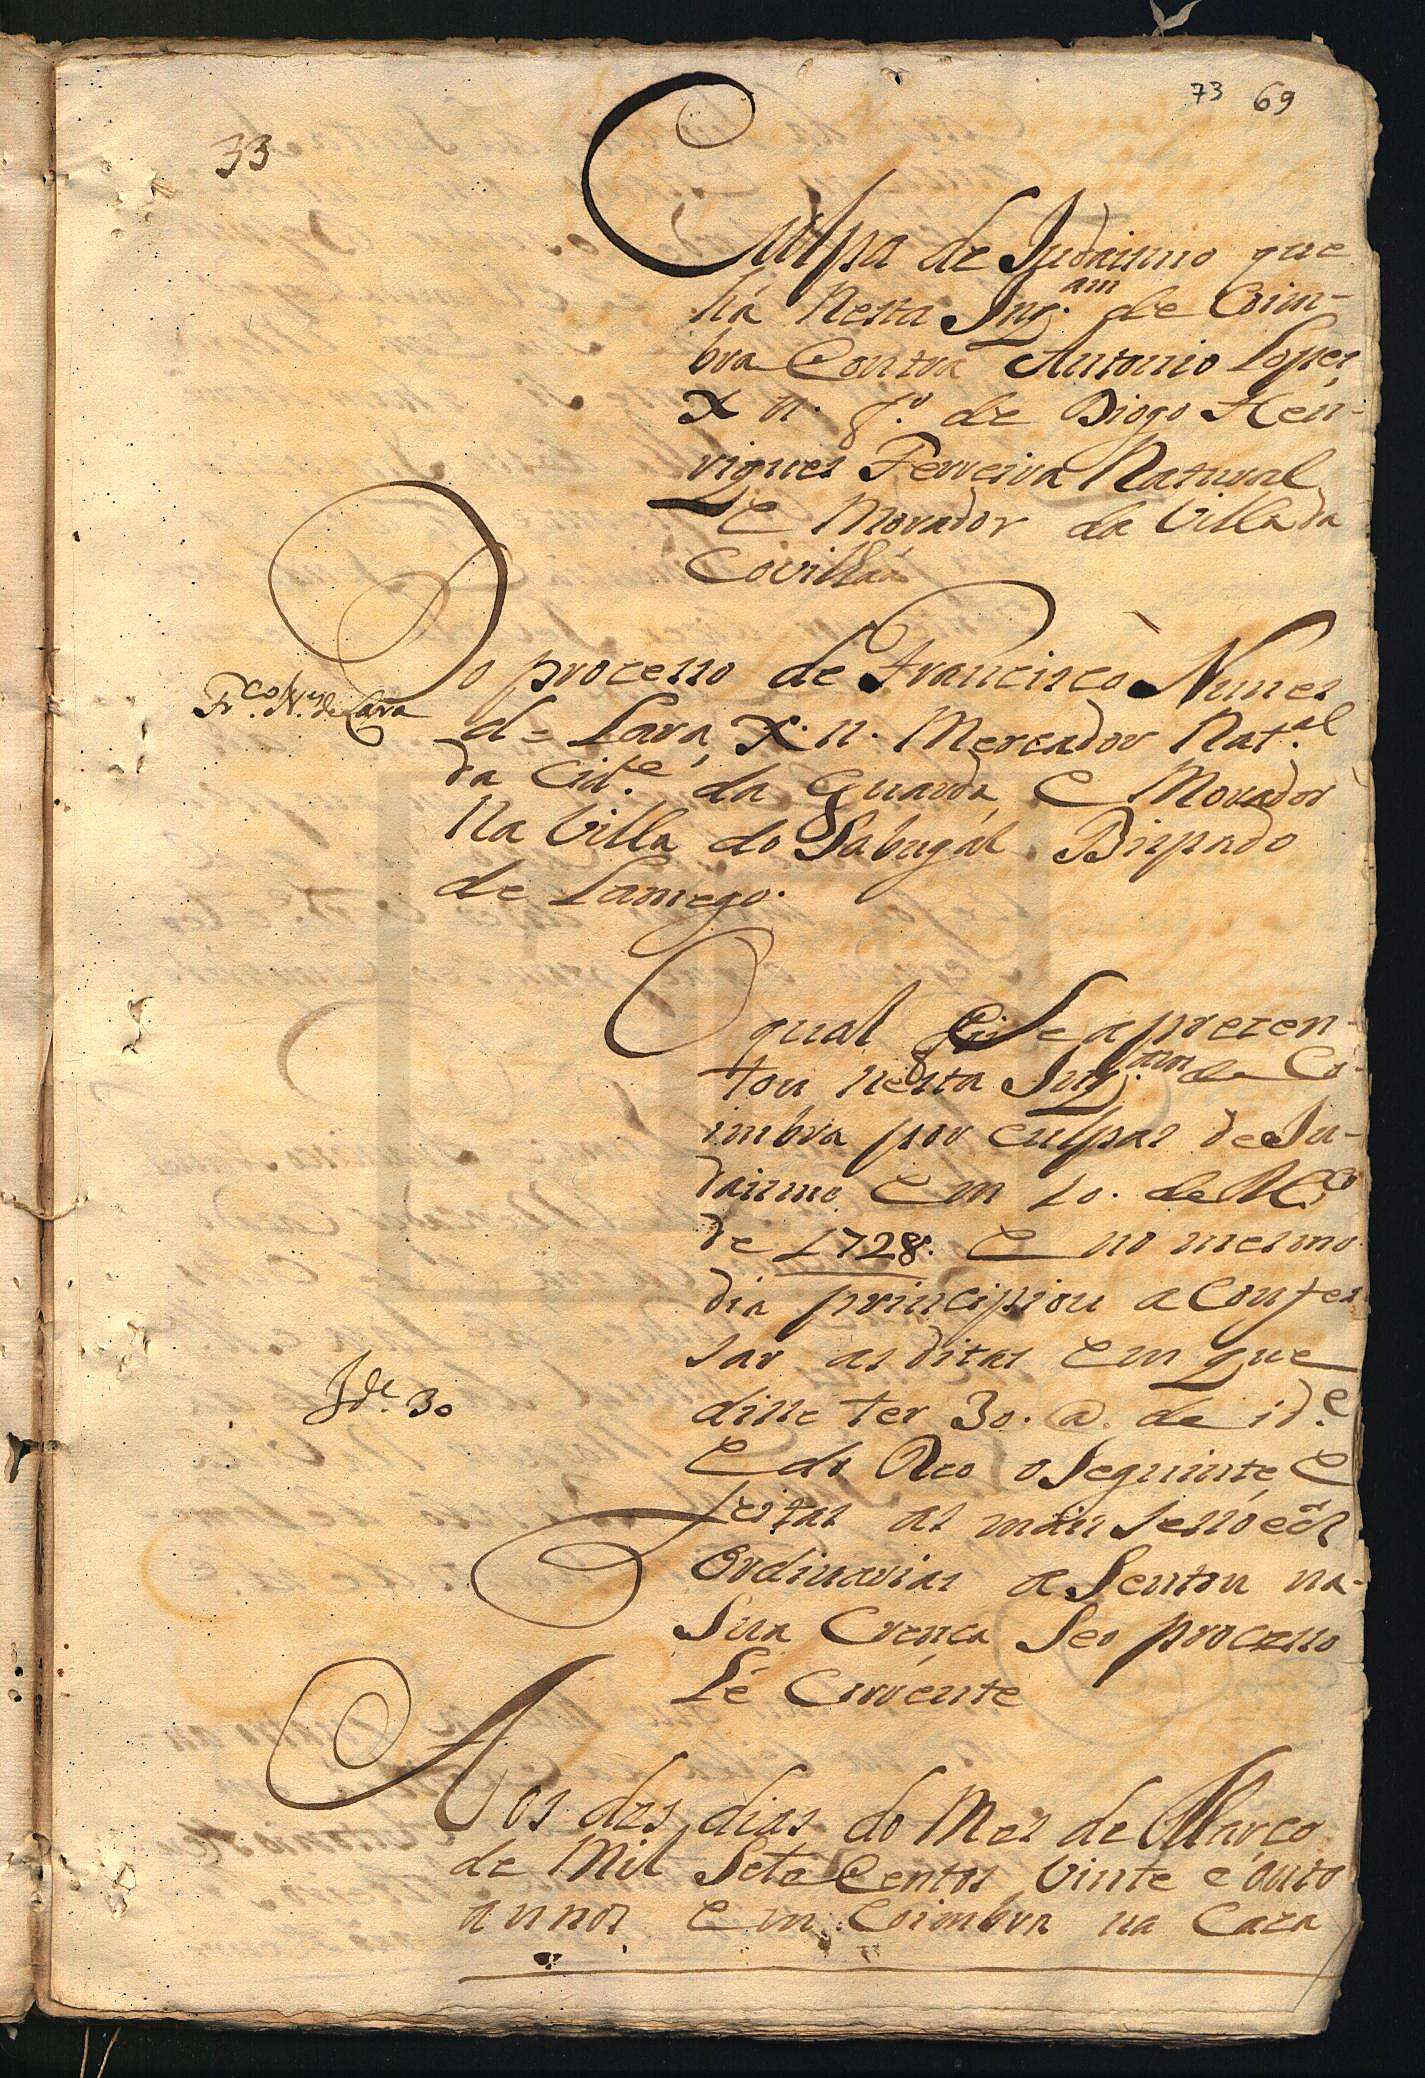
Culpa de Iudaismo que
há nesta Inq.am de Coim
bra Contra Antonio Lopes,
xn. fo. de Diogo Hen
riques Ferreira Natural
e morador da Villa da
Covilhaã
Do processo de Francisco Nunes
d = Lara, x.n. Mercador Nat.al
da cid.e da Guarda, e Morador
Na Villa do Sabugal Bispado
de Lamego.
O qual foiSe aprezen
tou nesta Inq.am de Co
imbra por culpas de Iu
daismo em 10. de M.ço
de 1728. e no mesmo
dia principiou a confes
sar as ditas em que
disse ter 30. ā. de id.e
e do Reo o seguinte, e
feitas as mais sessoeẽs
Ordinarias asentou na
sua crença seo processo
hé corrente
Aos des dias do mes de Março
de mil setecentos vinte e outo
annos em coimbra na caza
